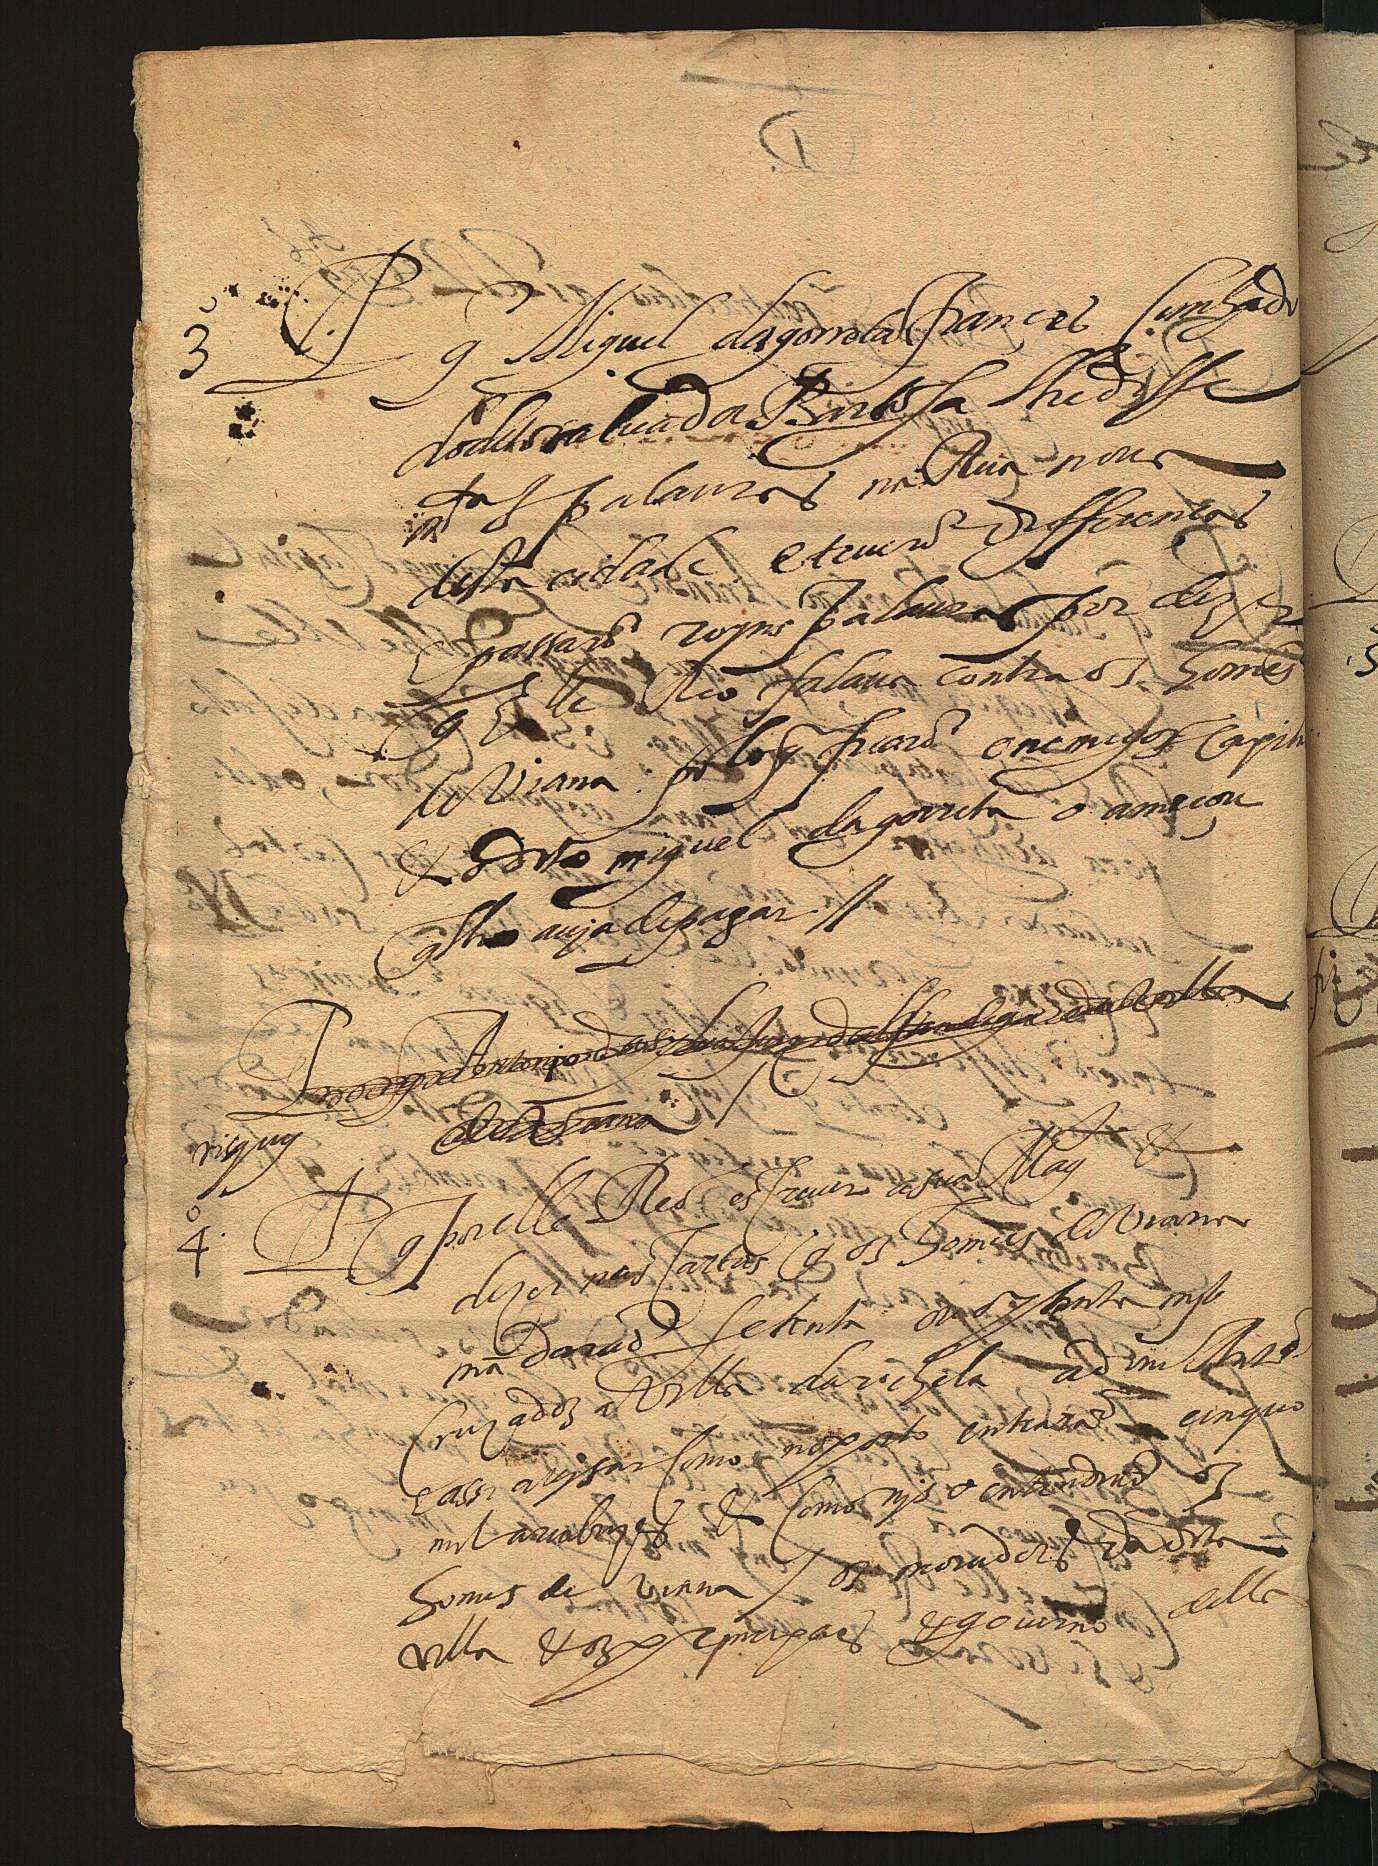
P q̄ Miguel da gorreta frances, Cunhado
do dito saluador Barbosa lhe disse
mtas palauras na Rua noua
desta cidade e teuerō differenças
E passarō royns palauras por dizer
q̄ Elle Reo falaua contra os homēs
de Viana polo q̄ ficarō enemigos Capita
& o dito miguel da gorreta o ameçou
q̄ lho auja de pagar
P q̄ por elle Reo esCreuer a sua Magte &
dizer nas Cartas q̄ os homeis de Viana
mādaraõ setenta ou oytenta mjl
Cruzados a Villa da rochela a dom Anto
E assi auysar Como no porto entraraõ cinquo
mil arcabuzes & Como njso entendiaõ os
homes de viana / os moradores da dita
villa & os prjncipaes & gouerno della
